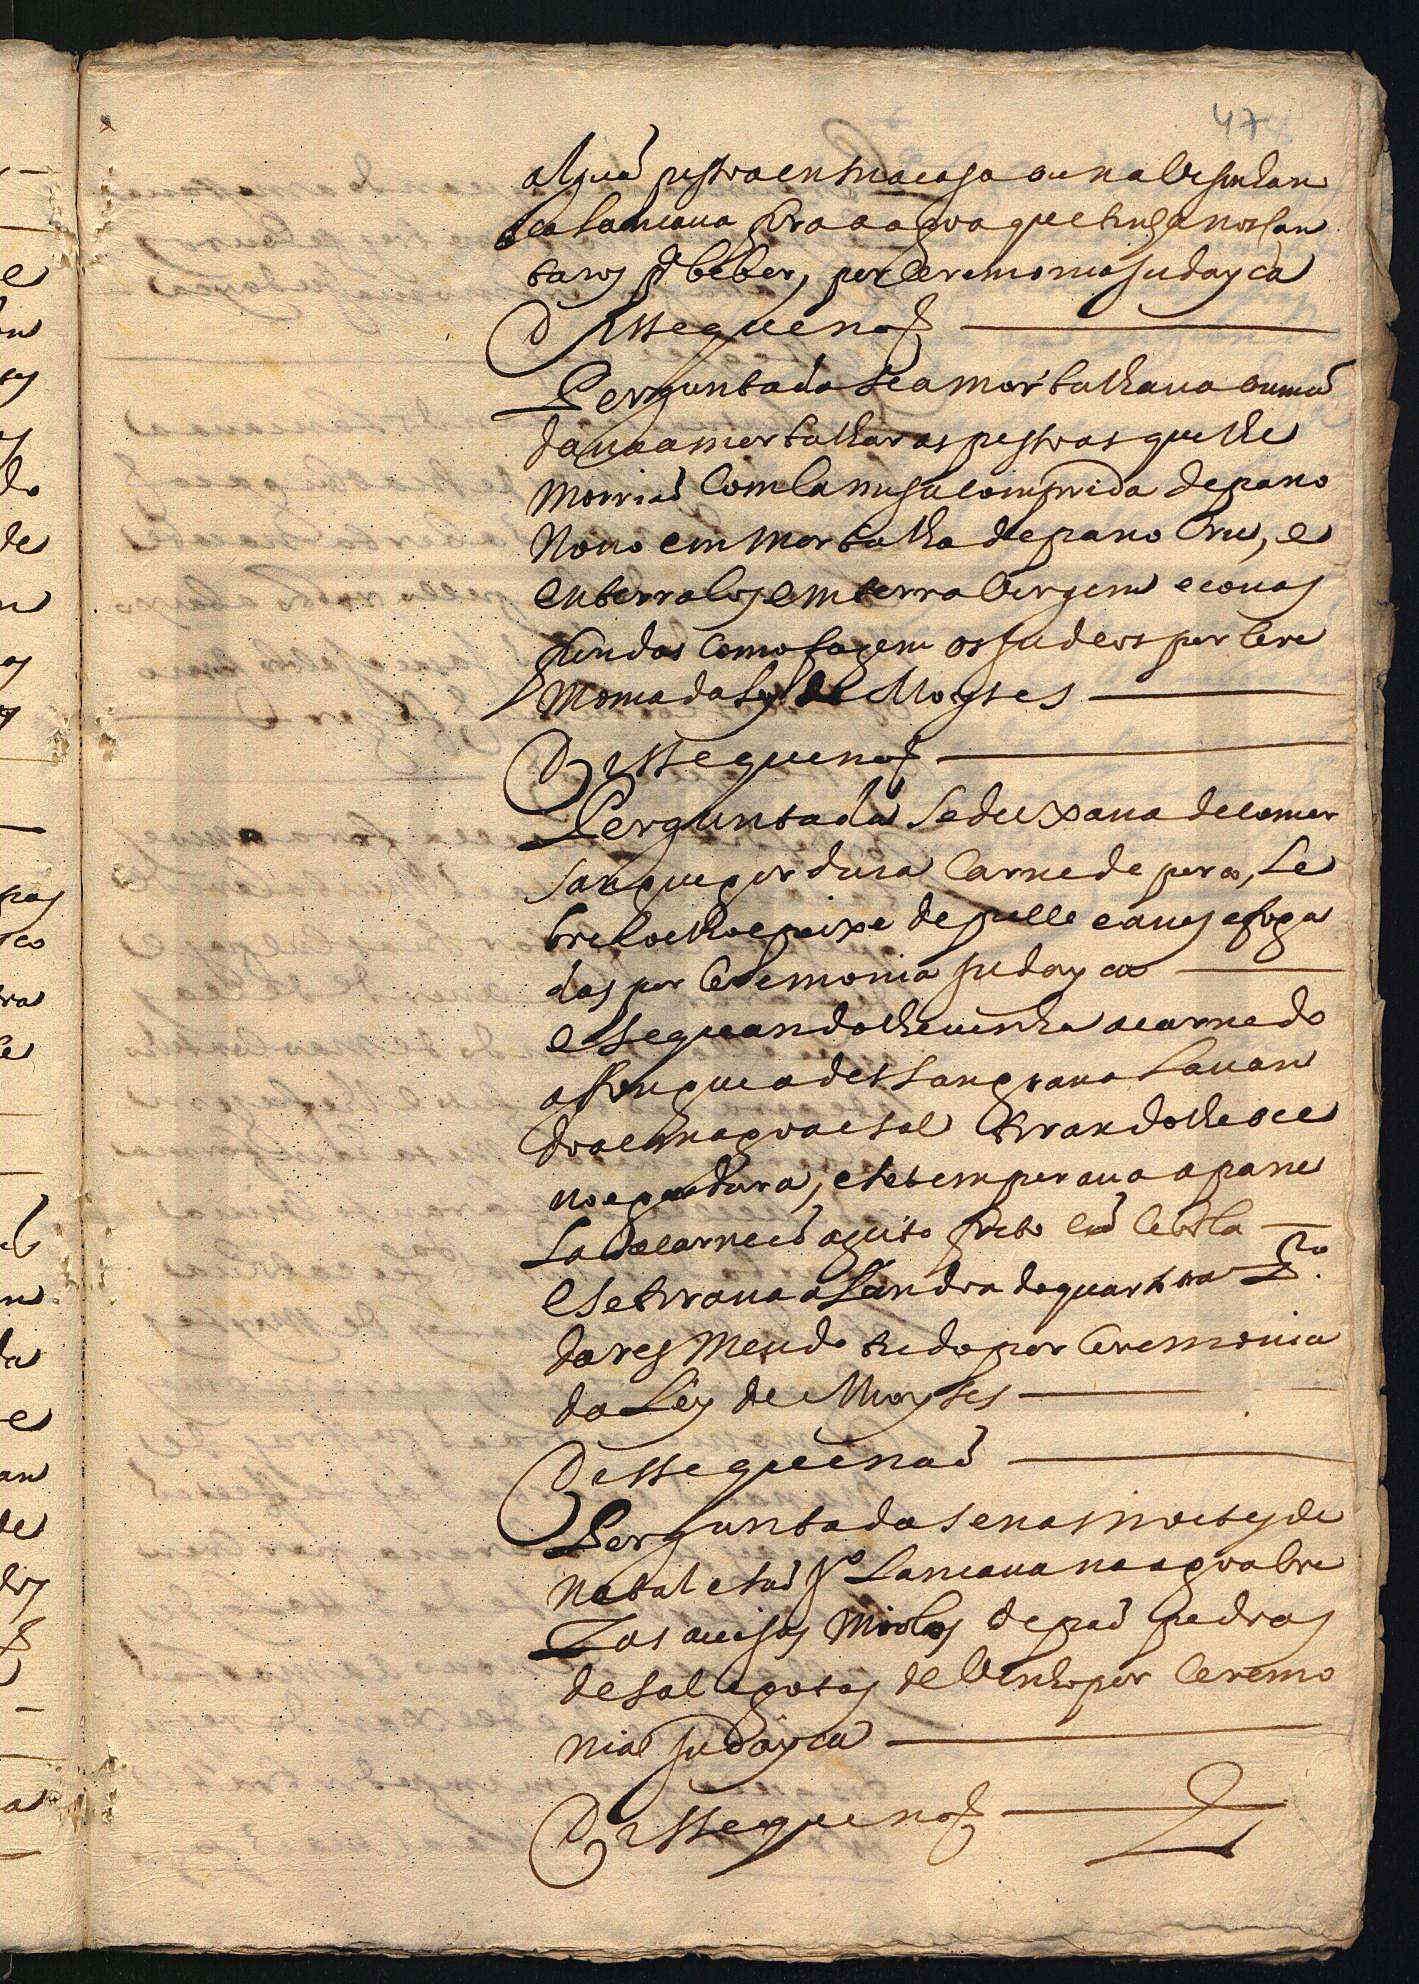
alguā pessoa en sua casa ou na visinhan
ca lancaua fora a agoa que tinha nos Can
taros pa beber, por ceremonia Judayca
Disse que naõ
Perguntada se amortalhaua ou mā
daua amortalhar as pessoas que lhe
morriaõ com Camisa comprida de pano
Nouo em mortalha de pano cru, e
enterralos em terra virgem e couas
fundas como fazem os Judeos por cere
Monia da Ley de Moyses
Disse que naõ
Perguntada Se deixaua de comer
Sangue gordura carne de porco, Le
bre Coelho e peixe de pelle e aues afoga
das por ceremonia Judayca
e se quando lhe uinha a carne do
assougue a dessangraua Lauan
doa em agoa e sal tirandolhe o ce
uo e gordura, e se temperaua a pane
La da carne cō azeite frito cō cebola
e se tiraua a Landoa do quarto trazro.
da res meuda tudo por ceremonia
da Ley de Moyses
Disse que naõ
Perguntada se nas noites de
natal e saõ Jo Lancaua na agoa bra
Zas accesas miolos de paõ pedras
de sal e gotas de vinho por ceremo
nia Judayca
Disse que naõ
